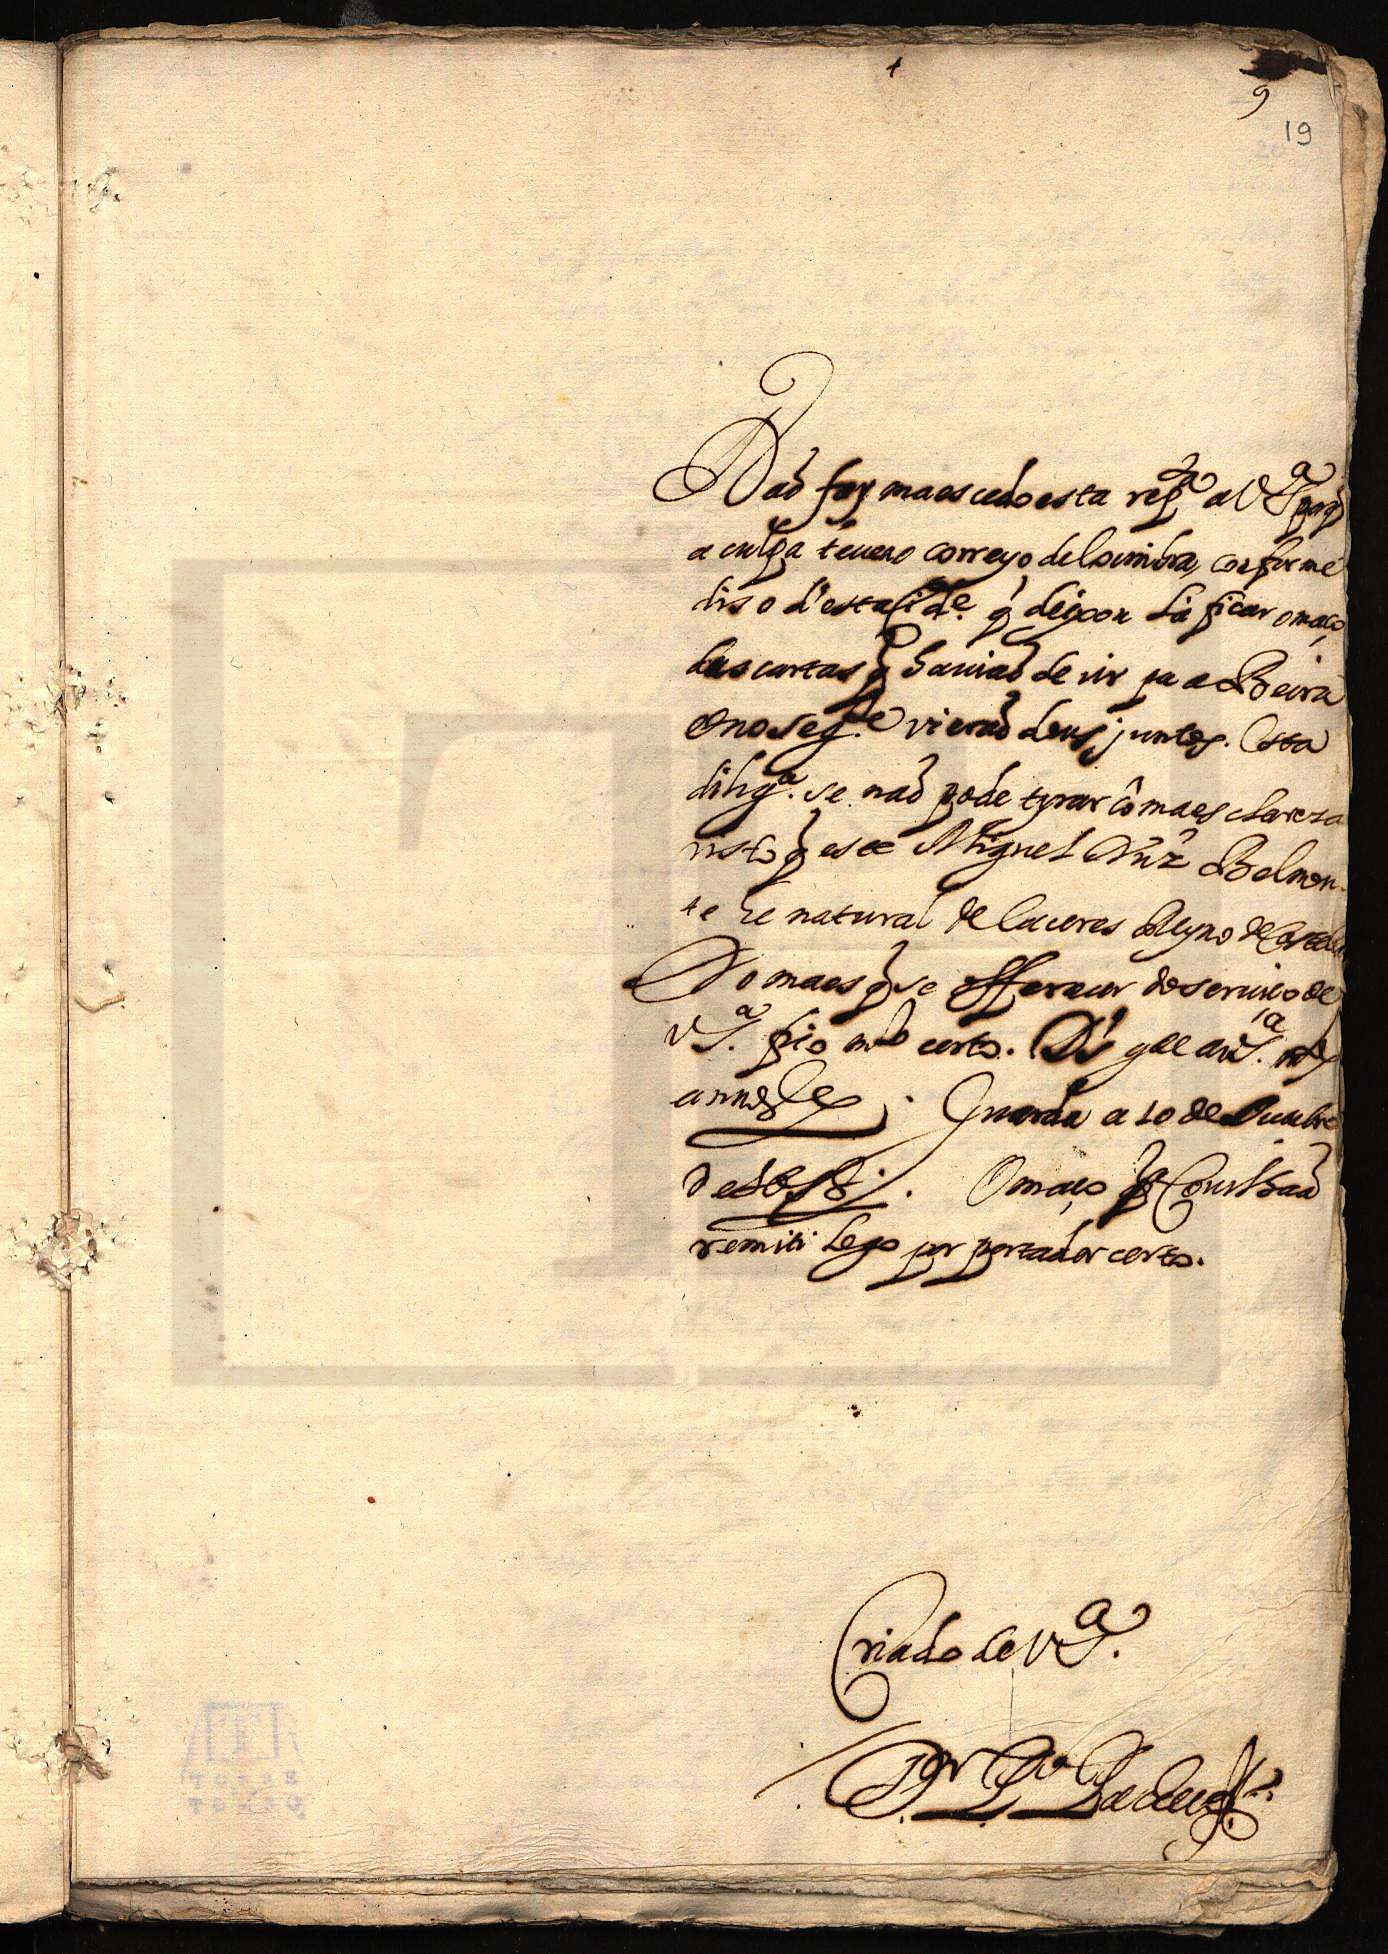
Naõ foy maes cedo esta rep.ta a V Sa porq̄
a culpa teuea o correyo de Coimbra, conforme
dis o d'esta Cid.e q̄ deixou lá ficar o maço
das cartas q̄ hauiaõ de vir pa a Beira
e no seg.te vieraõ dous juntos. Esta
dilig.a se naõ pode tyrar cō maes clareza
visto q̄ este Miguel Nuz̄ Belmon
te he natural de Caceres Reyno de Castela
No mais q̄ se offerecer do seruiço de
V S.a fico mto certo. Ds̄ gde a v S.a mtos
annos. Guarda a 10 de Outubro
de 1658. O maço pa Couilhaā
remiti logo por portador certo.
Criado de V S.a
D.or P.o Pacheco
